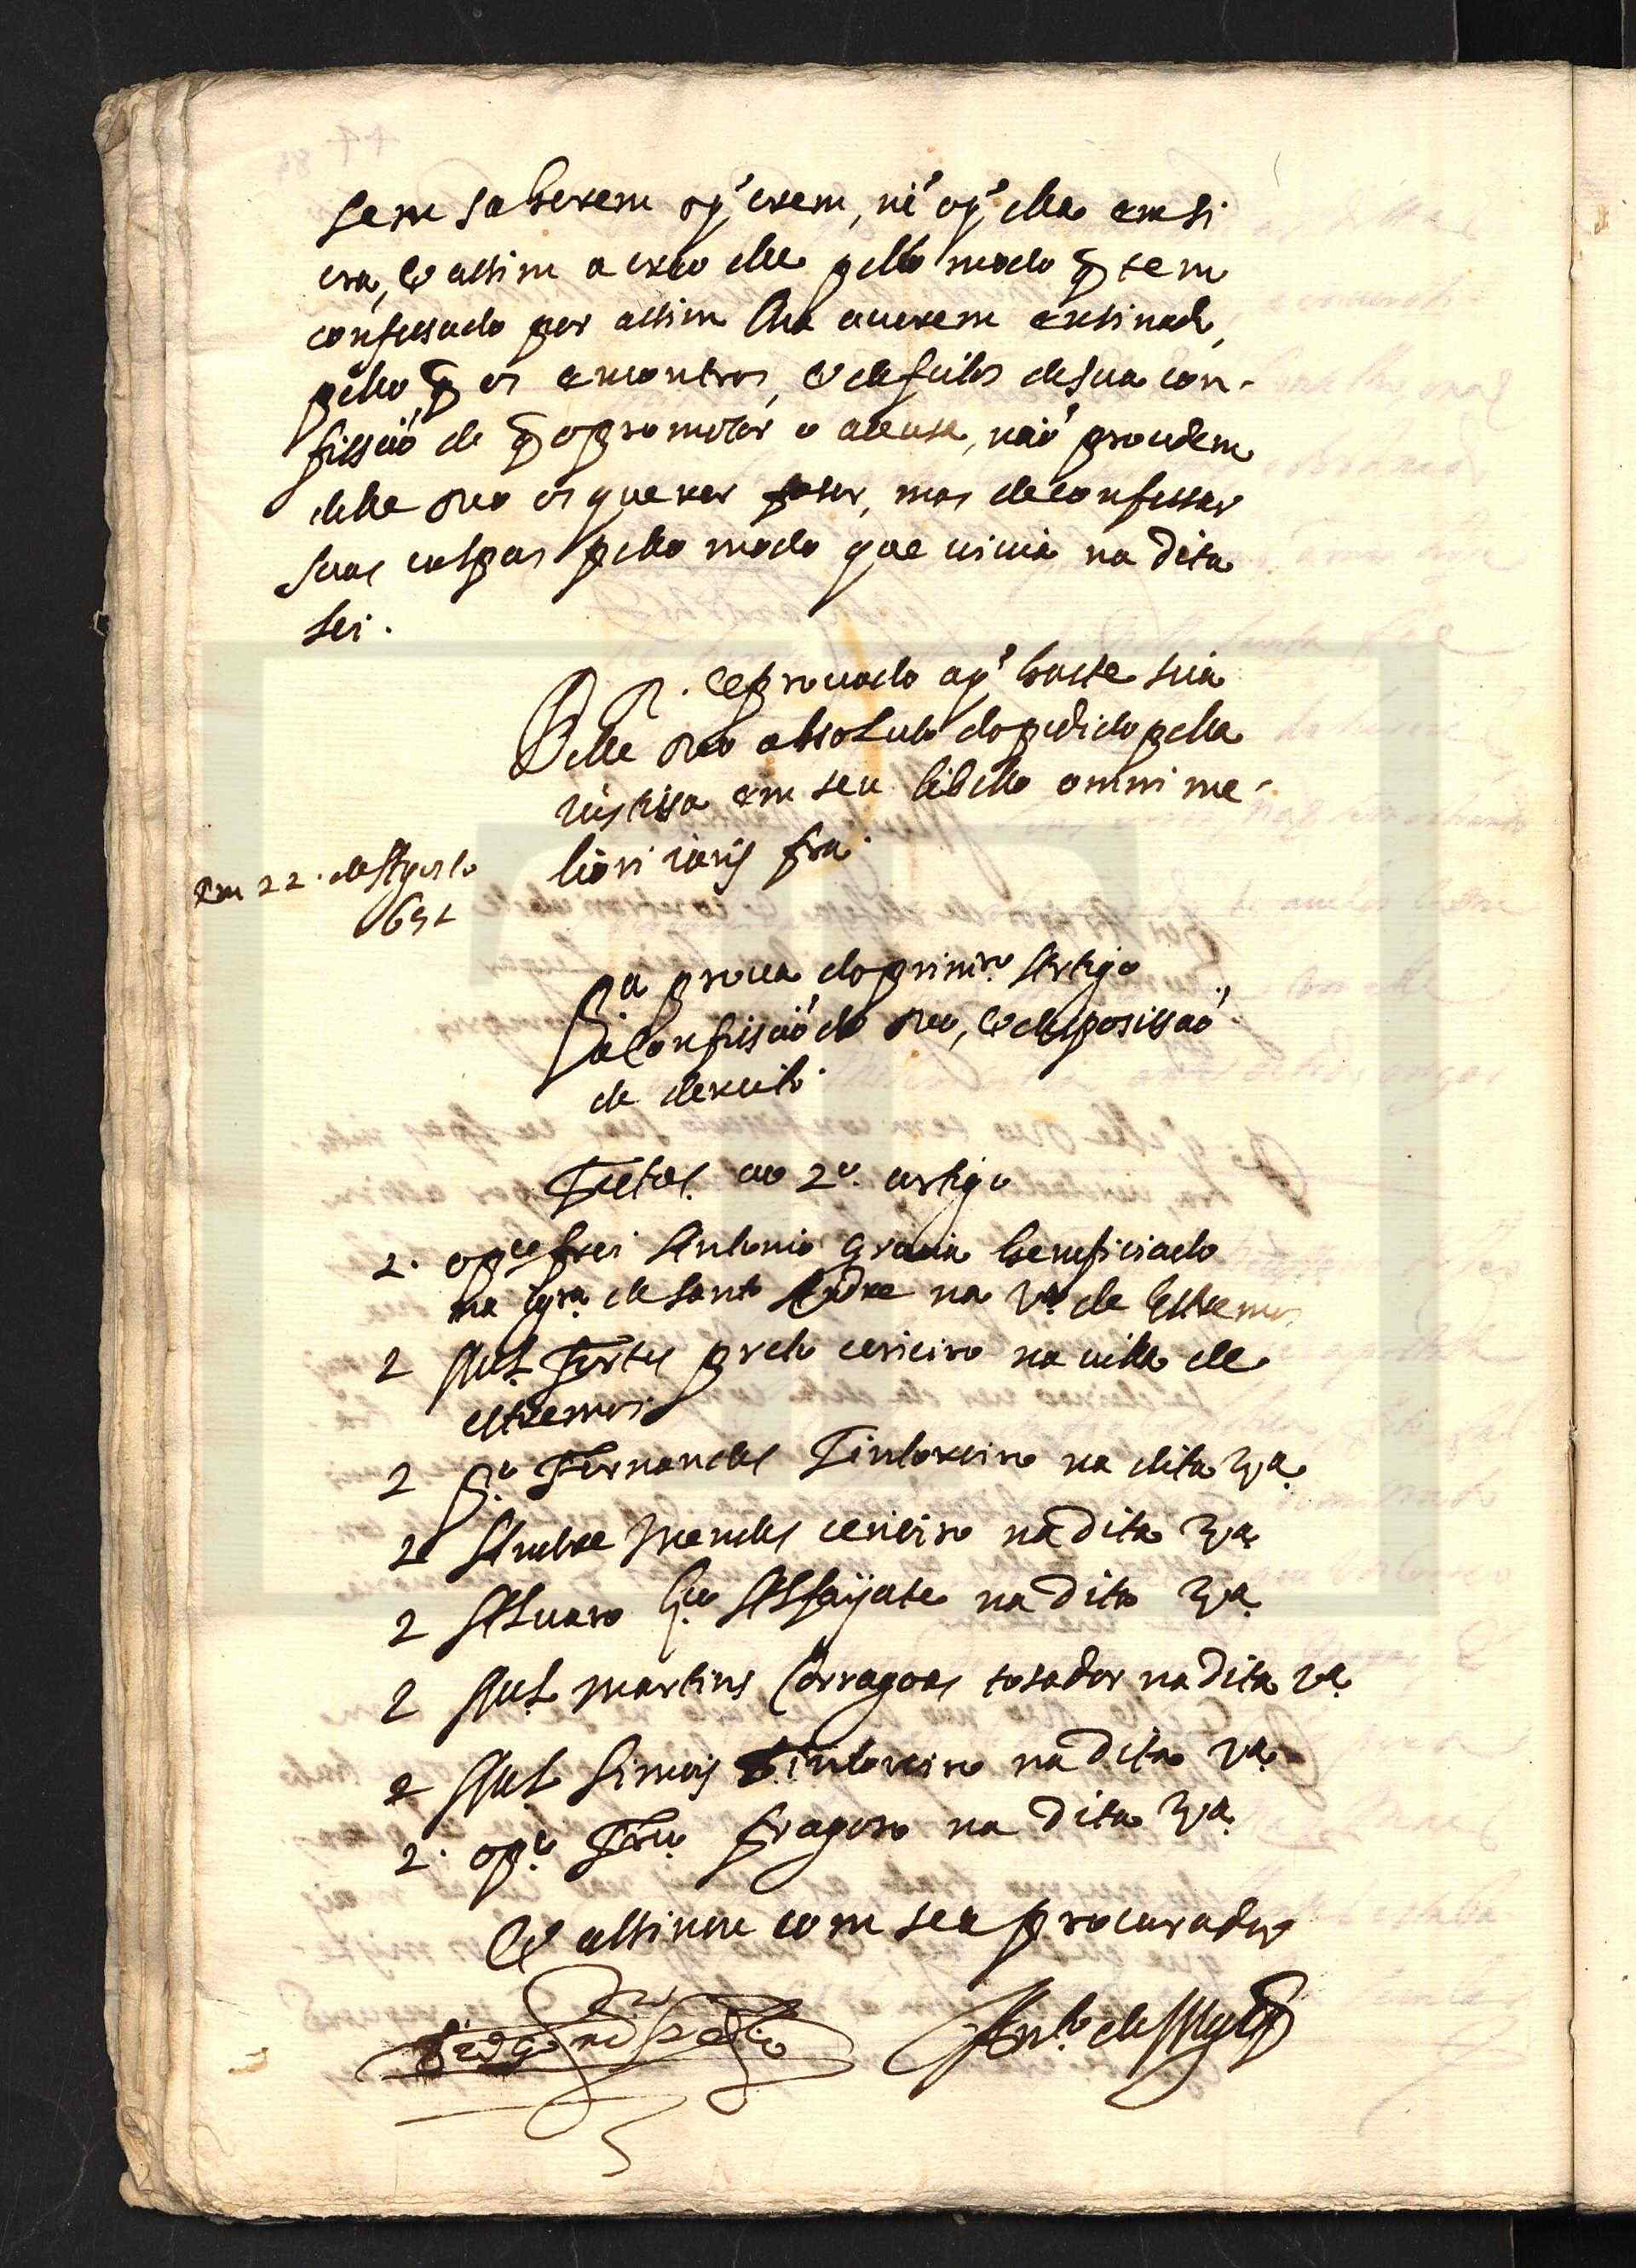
sem saberem o q̄ crem nē o q̄ ella em si
era, & assim o creo elle pello modo q̄ tem
confessado per assim lhe auerem ensinado,
pello q̄ os encontros, & defeitos de sua con
fissão de q̄ o promotor o accusa naõ procedem
delle Reo os querer fazer, mas de confessar
suas culpas pello modo que uiuia na dita
lei.
P R. & prouado o q̄ baste seia
elle Reo absoluto do pedido pella
iustiça em seu libello omni me
liori iuris fra.
em 22. de Agosto
651
P.a proua do primro Artigo
a confissaõ do Reo, & despozissaõ.
de dereito
Testas ao 2o. artigo
2. o pe frei Antonio gracia beneficiado
na igra. de Santo Andre na V.a de Estemos
2 Mel Fortes preto cerieiro na uilla de
estremos
2 p.o Fernandes Tintoreiro na dita V.a
2 Andre Mendes cerieiro na dita V.a
2 Aluaro G.a Alfayate na ditta V.a
2 Mel martins Corragoas tosador na dita v.a
2 Mel Simois Tintoreiro na dita v.a
2. o p.e Fr.co fragozo na dita V.a
& assinou com seo procurador
Ant.o de Mges
diogo moreno
